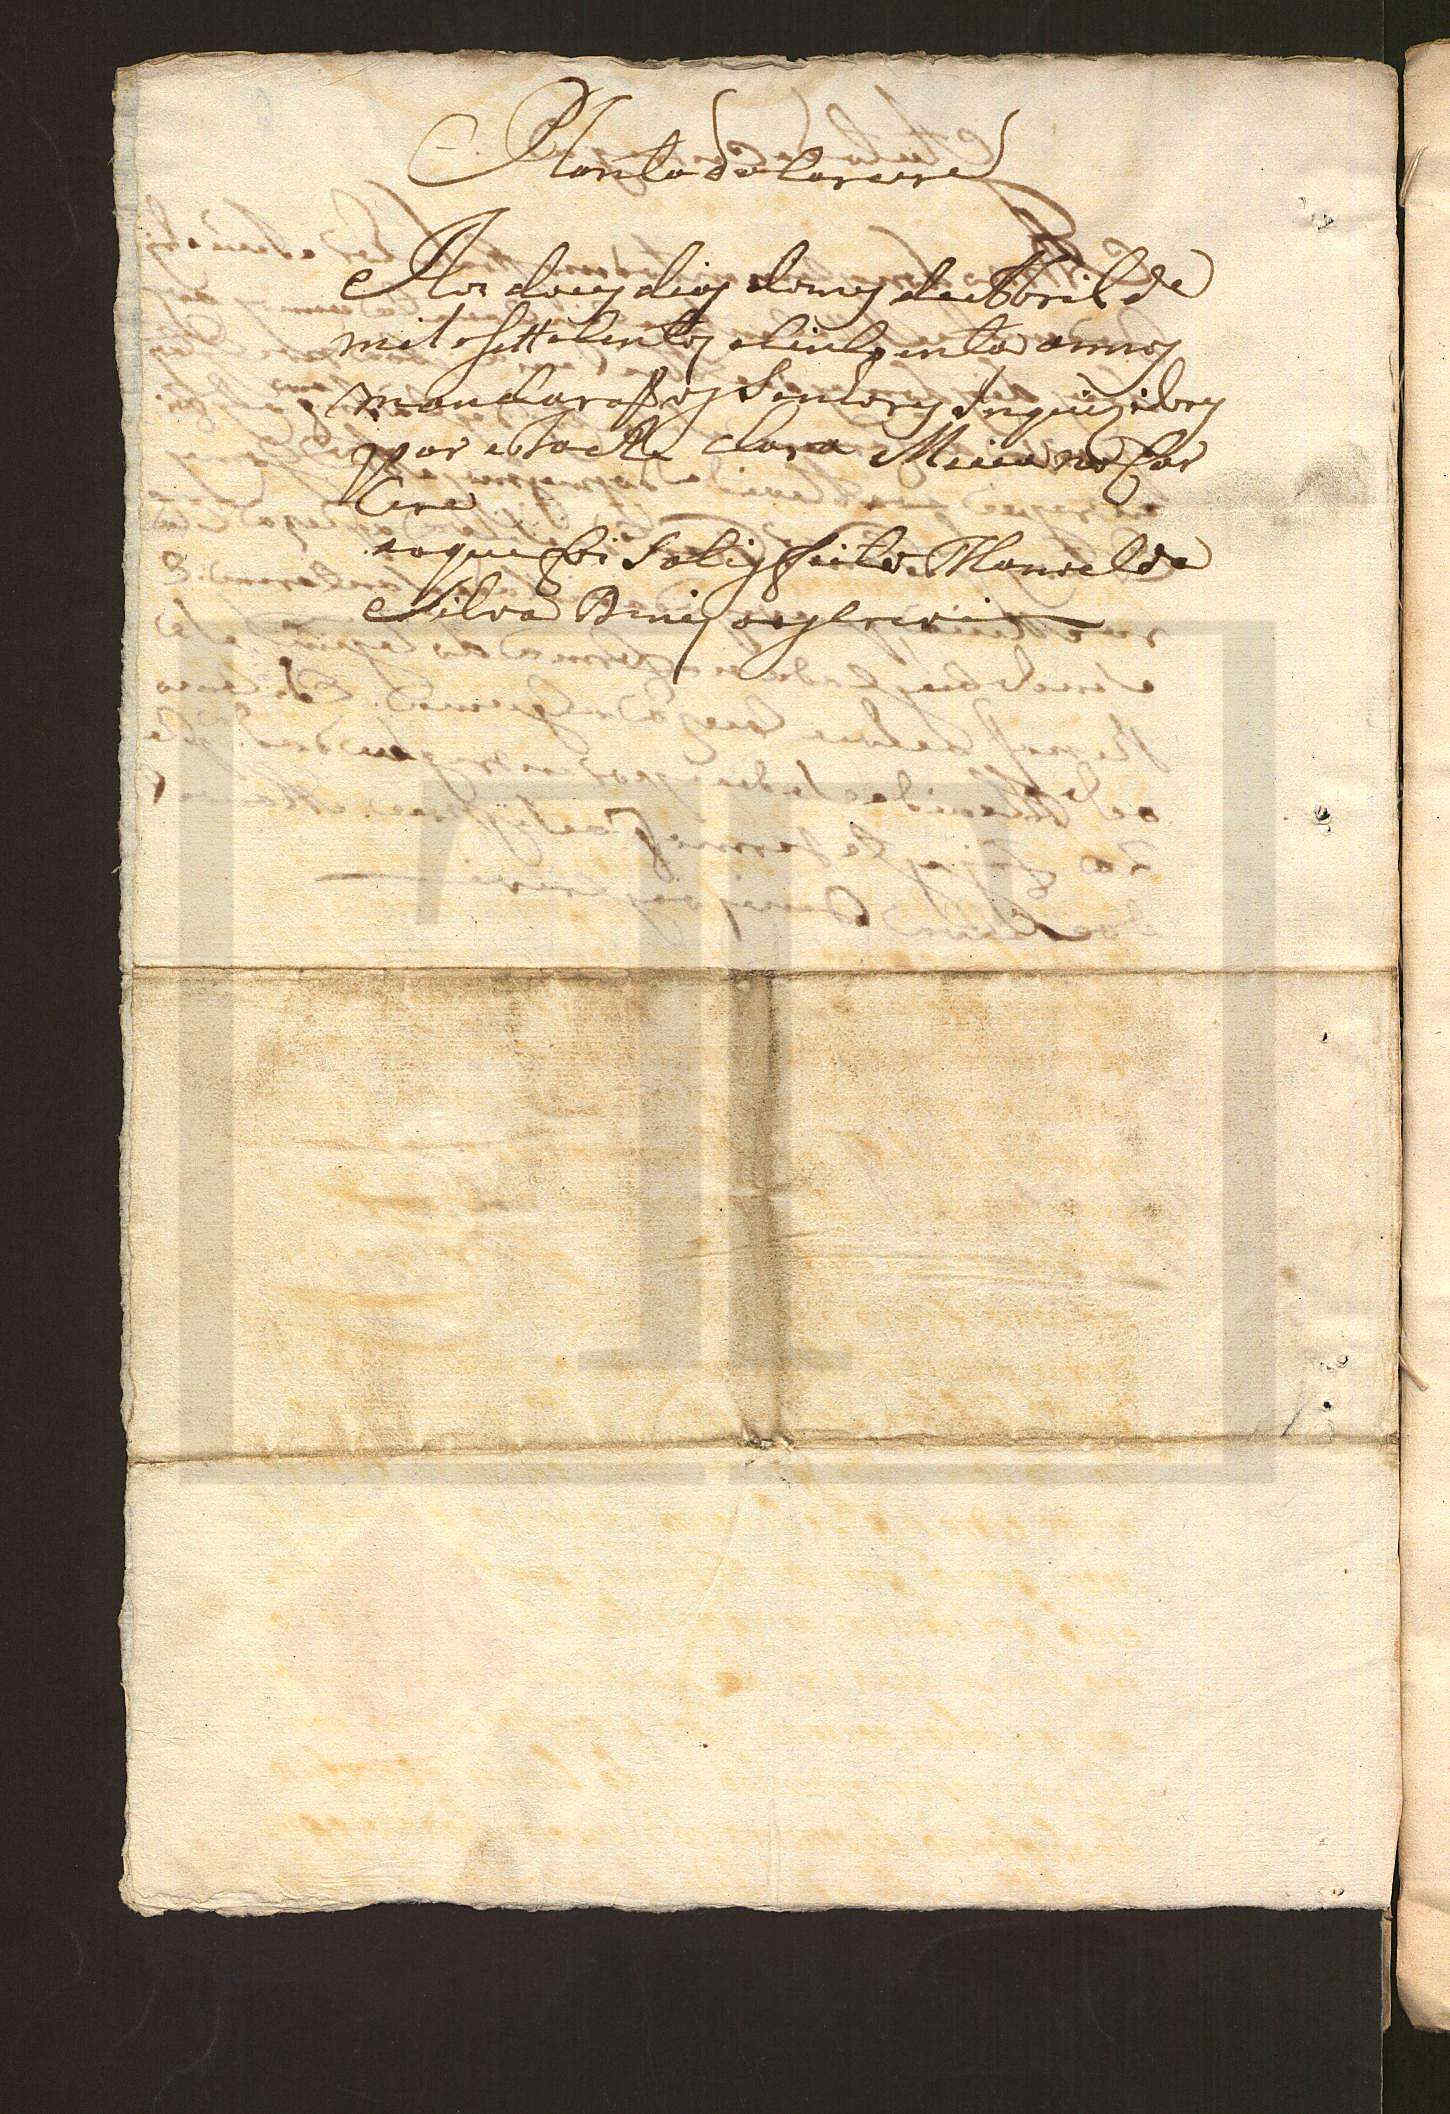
Planta do Carcere
Aos dous dias do mes de Abril de
mil setteCentos e CinCoenta annos
mandaraõ os Senhores Inquizidores
por esta Re clara Maria no Car
Cere
ao que foi satisfeito Manoel da
Silva Denis o escrevi
